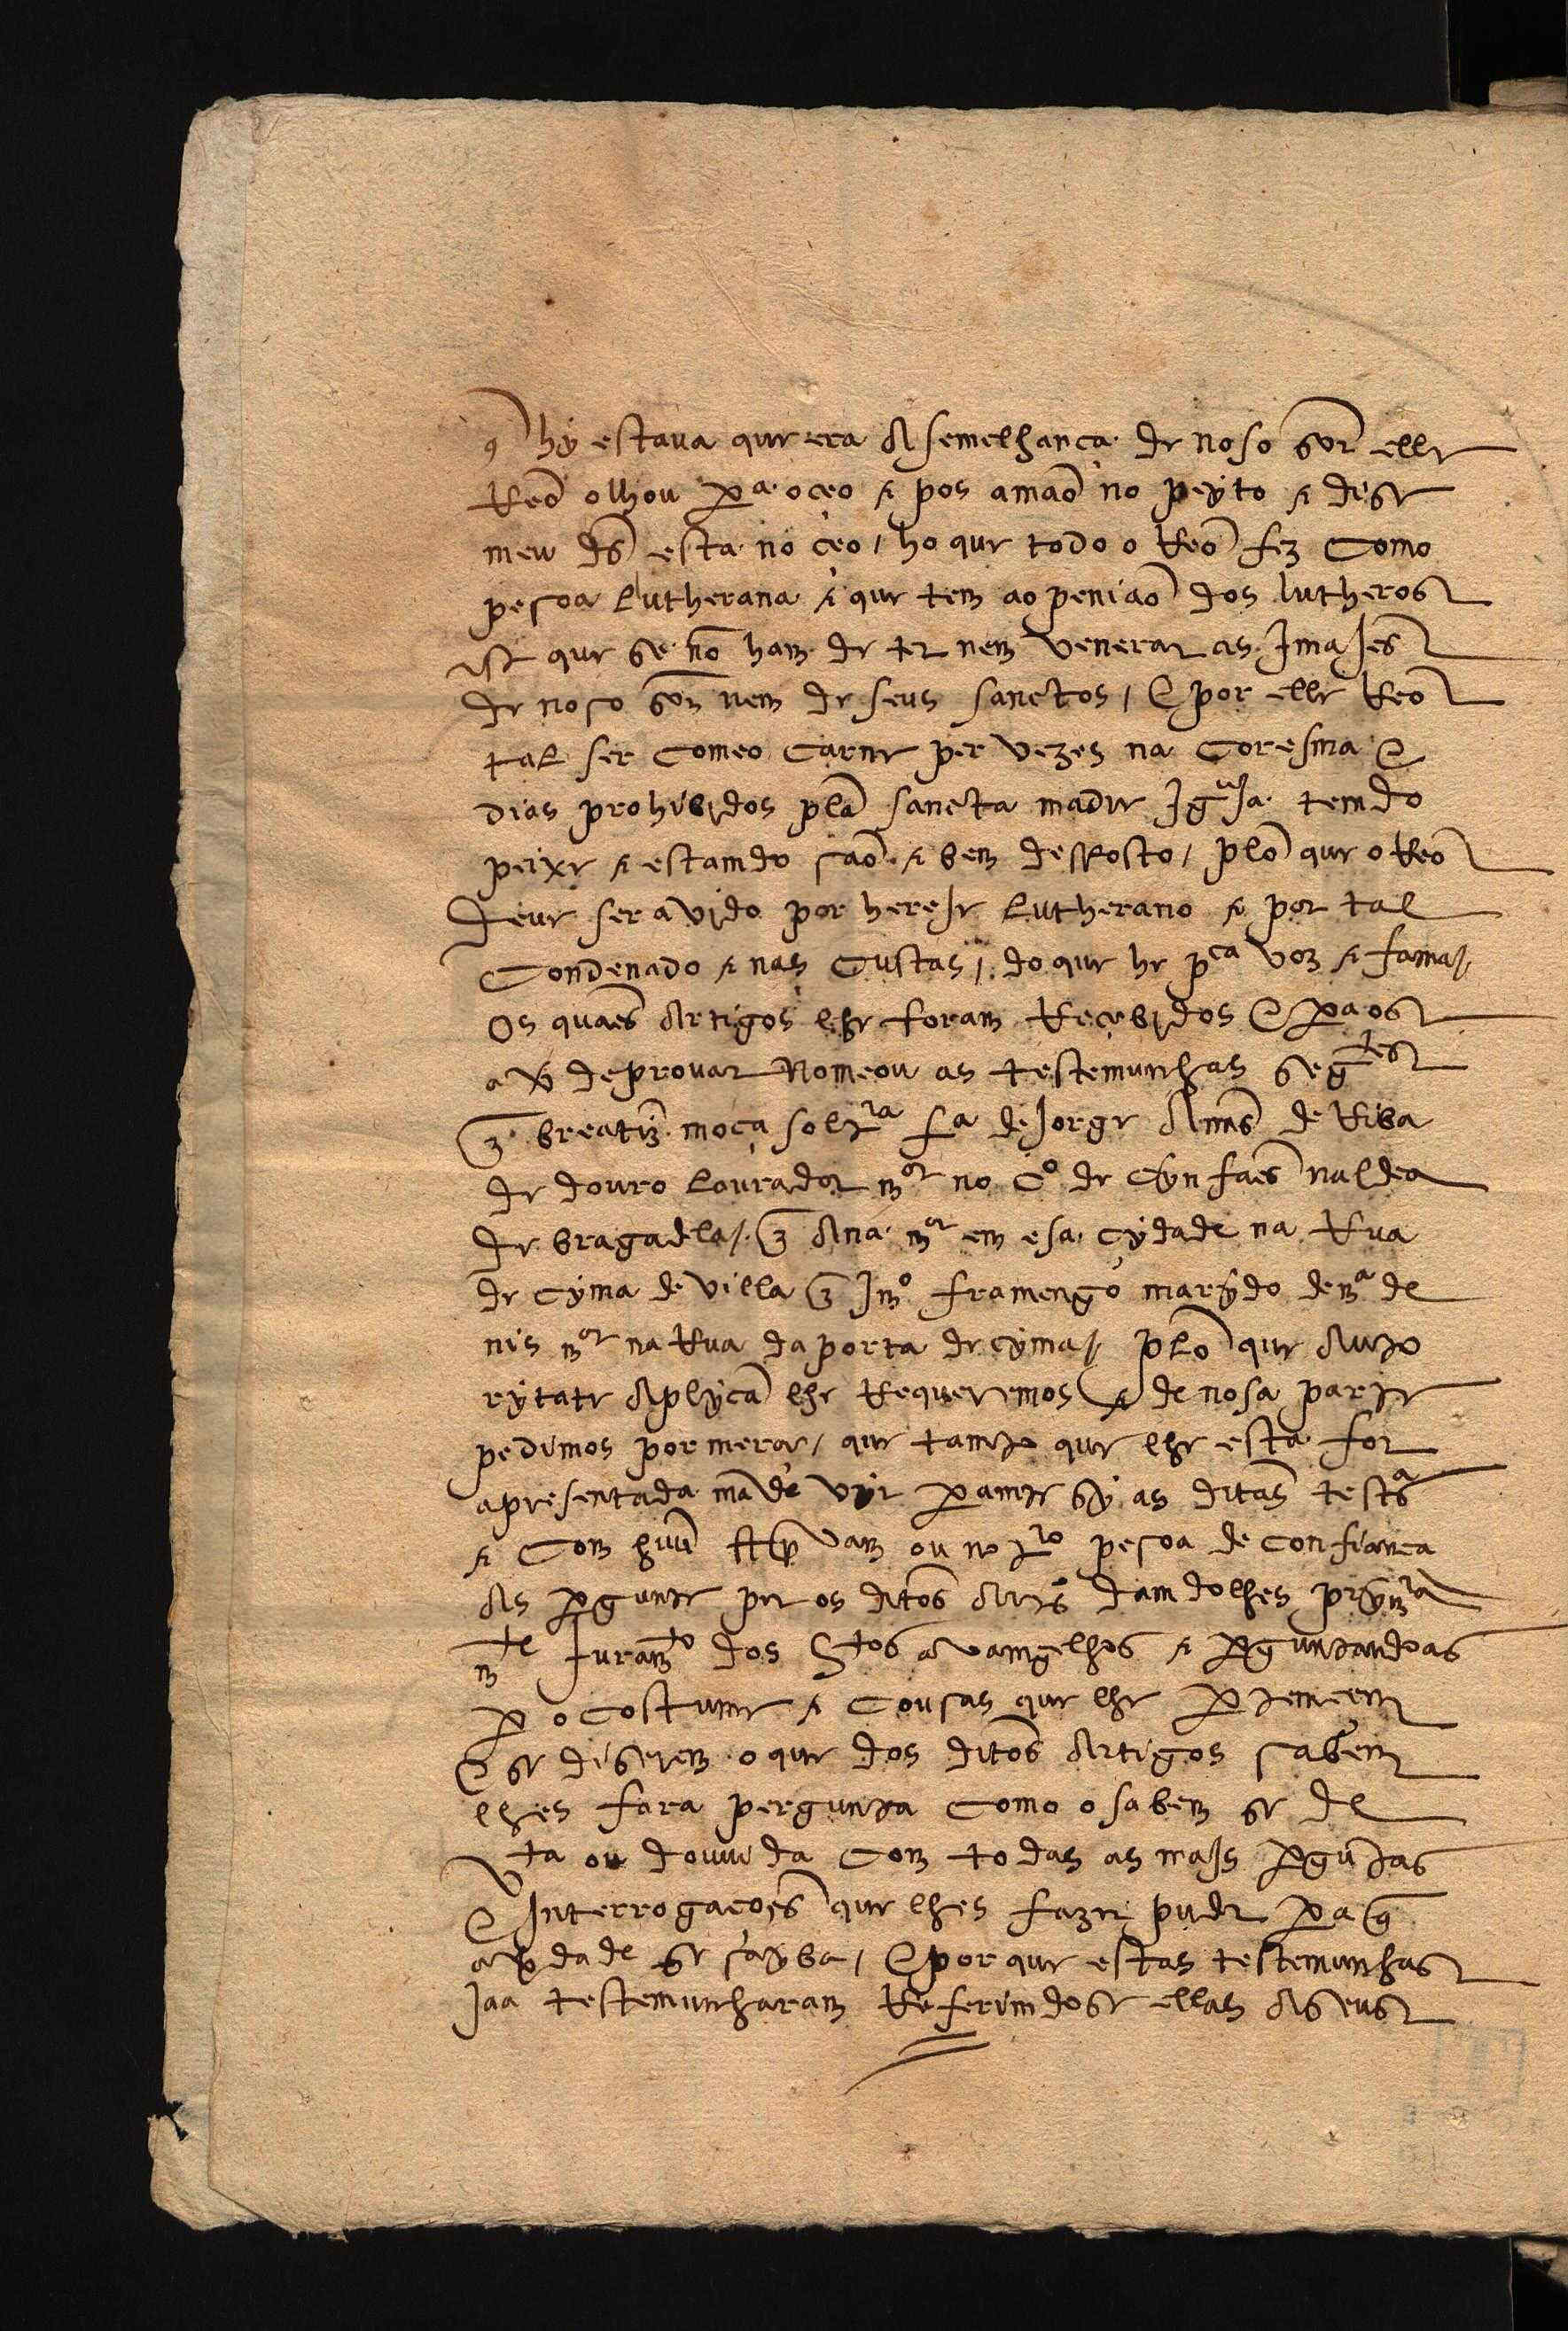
q̅ hy estaua que era A semelhança de noso s̄or elle
Rēo olhou ꝑa o ceo e pos a mão no peyto e dise
meu ds̄ esta no ceo / ho que todo o Reō fez Como
pesoa Lutherana e que tem a openião dos lutheros
.s. que se n̄o ham de ter nem venerar as JmaJēs
de noso s̄or nem de Seus Sanctos / E por elle Reō
taL ser Comeo Carne per vezes na Coresma e
dias prohibjdos pl̄a Sancta madre JḡJa temdo
peixe e estamdo saõ e bem desposto / plō que o Reō
deue ser avjdo por hereJe lutherano e por tal
Condenado e nas custas / do que he pca voz e fama /
Os quāes Artigos lhe foram Recebjdos e ꝑa os
aꝟ de prouar nomeou as testemunhas segtes
item breatīz moça Soltra fa de Jorge Ann̄es de Riba
de douro Laurador mor no Co de Cynfaẽs naldea
de bragadela /. item Ana mor em esa cydade na Rua
de cyma de villa item Jmo framengo marydo de ma de
nis mor na Rua da porta de cyma / Pl̄o que Auto
rytate Aplycā lhe Requeremos e de nosa parte
pedimos por merce / que tamto que lhe esta for
apresentada māde vyr ꝑamte sy as ditās testas
e Com huū stp̄vam ou notro pesoa de confiança
As ꝑgunte por os ditōs Artos damdolhes prȳmra
mte Juramto dos Stos avamgelhos e ꝑḡuntandoas
ꝑo costume e cousas que lhe ꝑtemcem
e se diserem o que dos ditōs Artigos sabem
lhes fara pergunta como o sabem se de
Vta ou douuida com todas as maJs ꝑgūtas
e Jnterrogaçoẽs que lhes fazer puder ꝑa q̄
a ꝟdade se sayba / e porque estas testemunhas
Jaa testemunharam Referimdose ellas A seus
